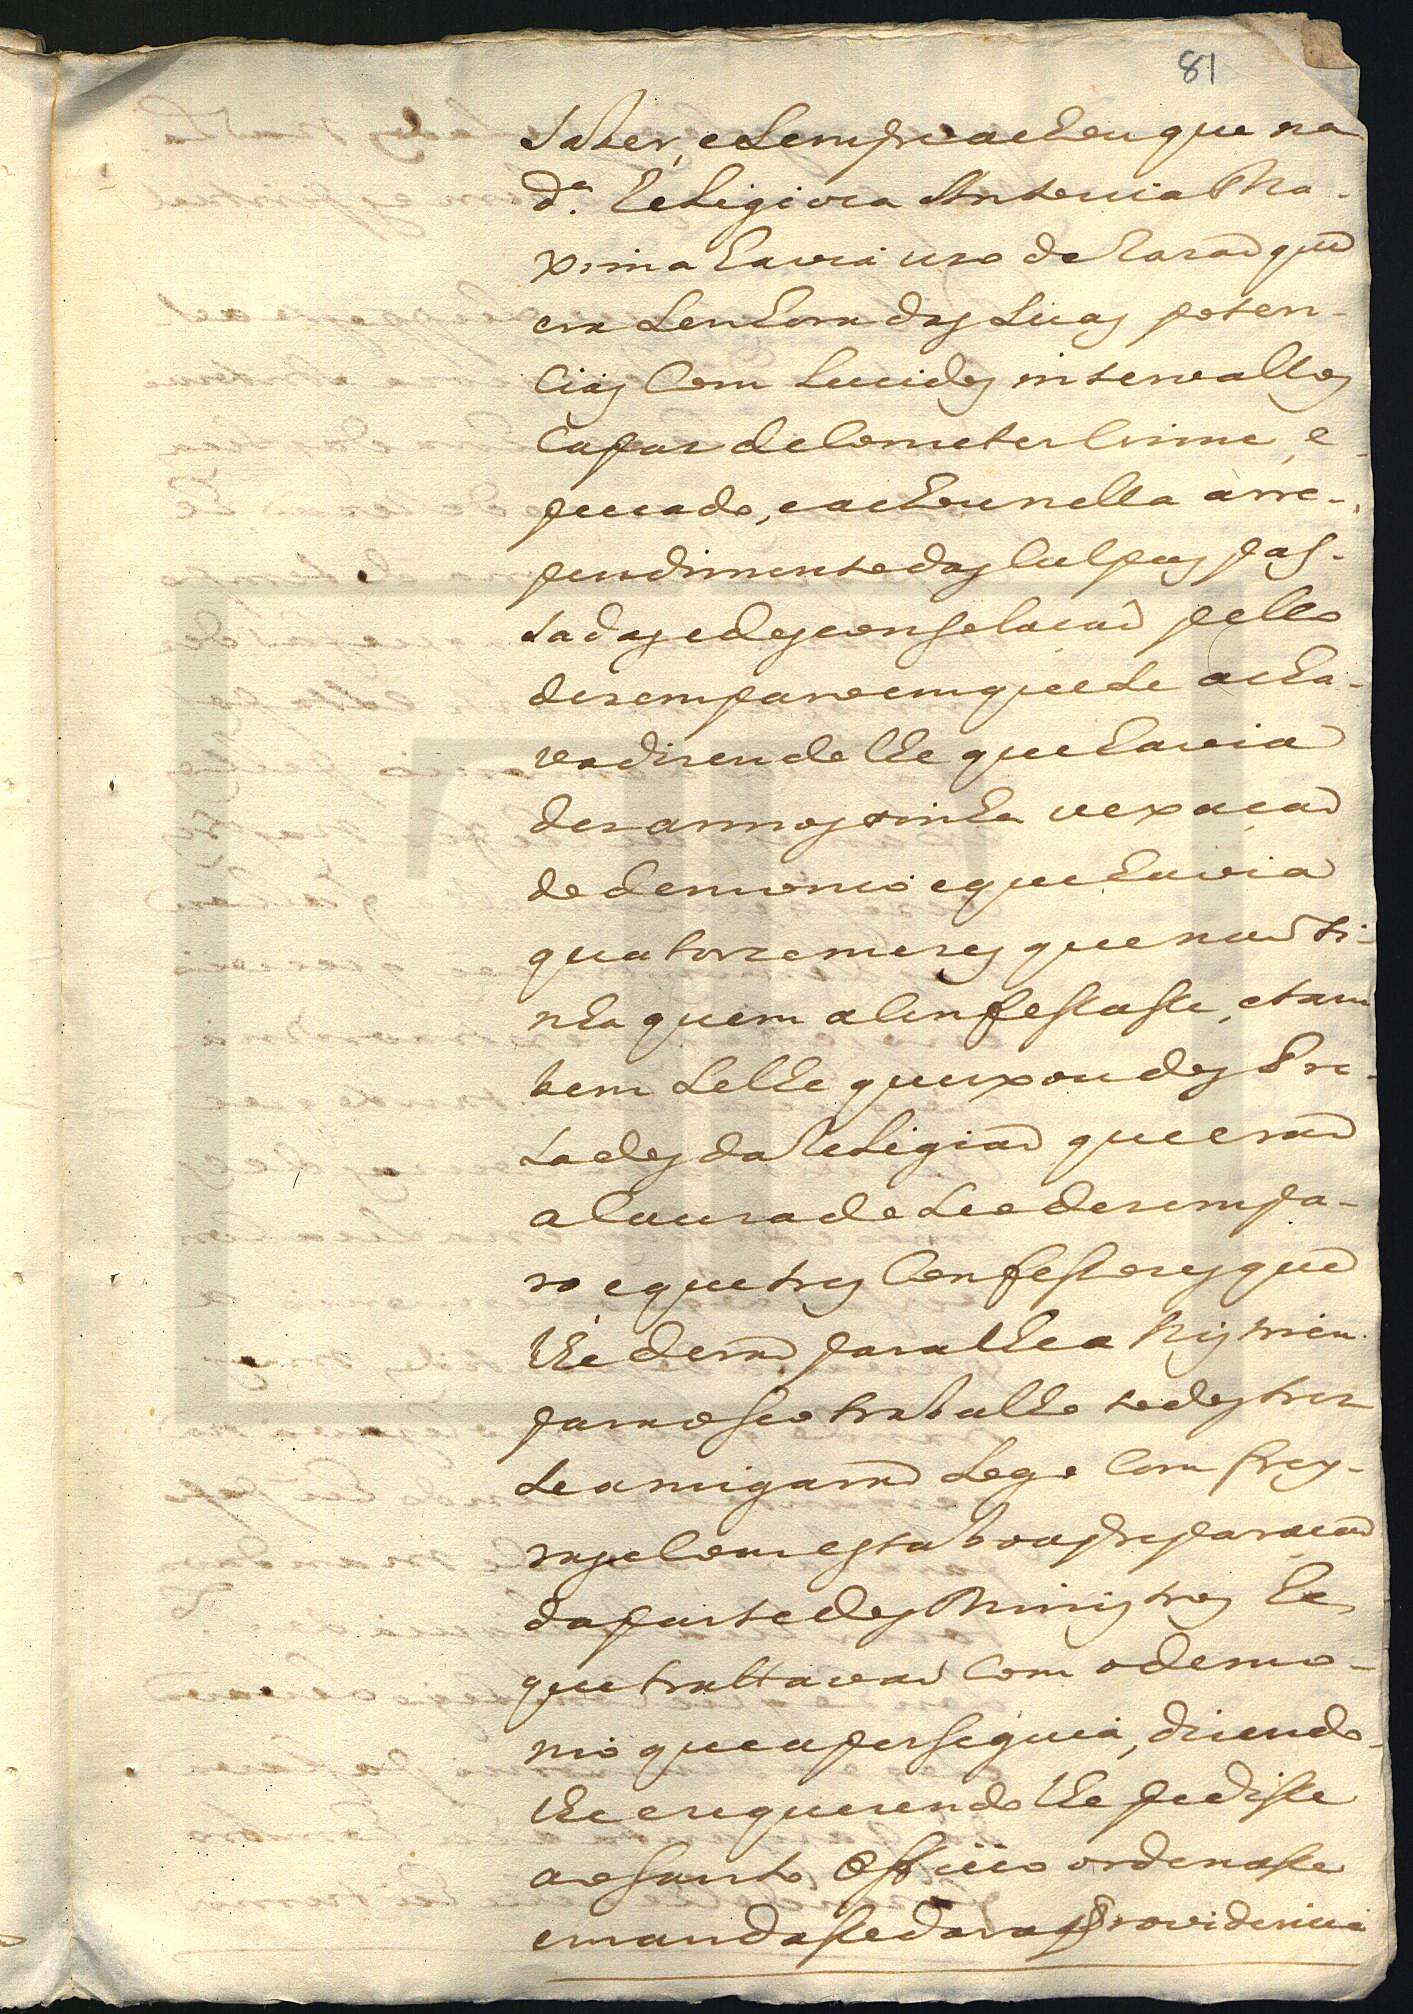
saber, e sempre achou que na
d.a Religioza Antonia Ma
xima havia uzo da Razão que
era senhora das suas poten
cias com lucidos intervallos
capaz de Cometer Crime, e
peccado, e achou nella arre
pendimento das Culpas pas
sadas e desconsolaçaõ pello
dezemparo em que se acha
va dizendolhe que havia
dez annos tinha vexaçaõ
de demonio e que havia
quatorze mezes que naõ ti
nha quem a Confessasse, e tam
bem se lhe queixou dos Pre
lados da Religião que erão
a Cauza de seo dezempa
ro e que tres Confessores que
lhe deraõ para lhe assistirem
para o seo trabalho todos trez
se amigaraõ logo com frey
ras e com esta boa preparação
da parte dos Ministros he
que tractavaõ com o demo
nio que a perseguia, dizendo
lhe e requerendo lhe pedisse
ao santo Officio ordenasse
e mandasse dar a providencia
